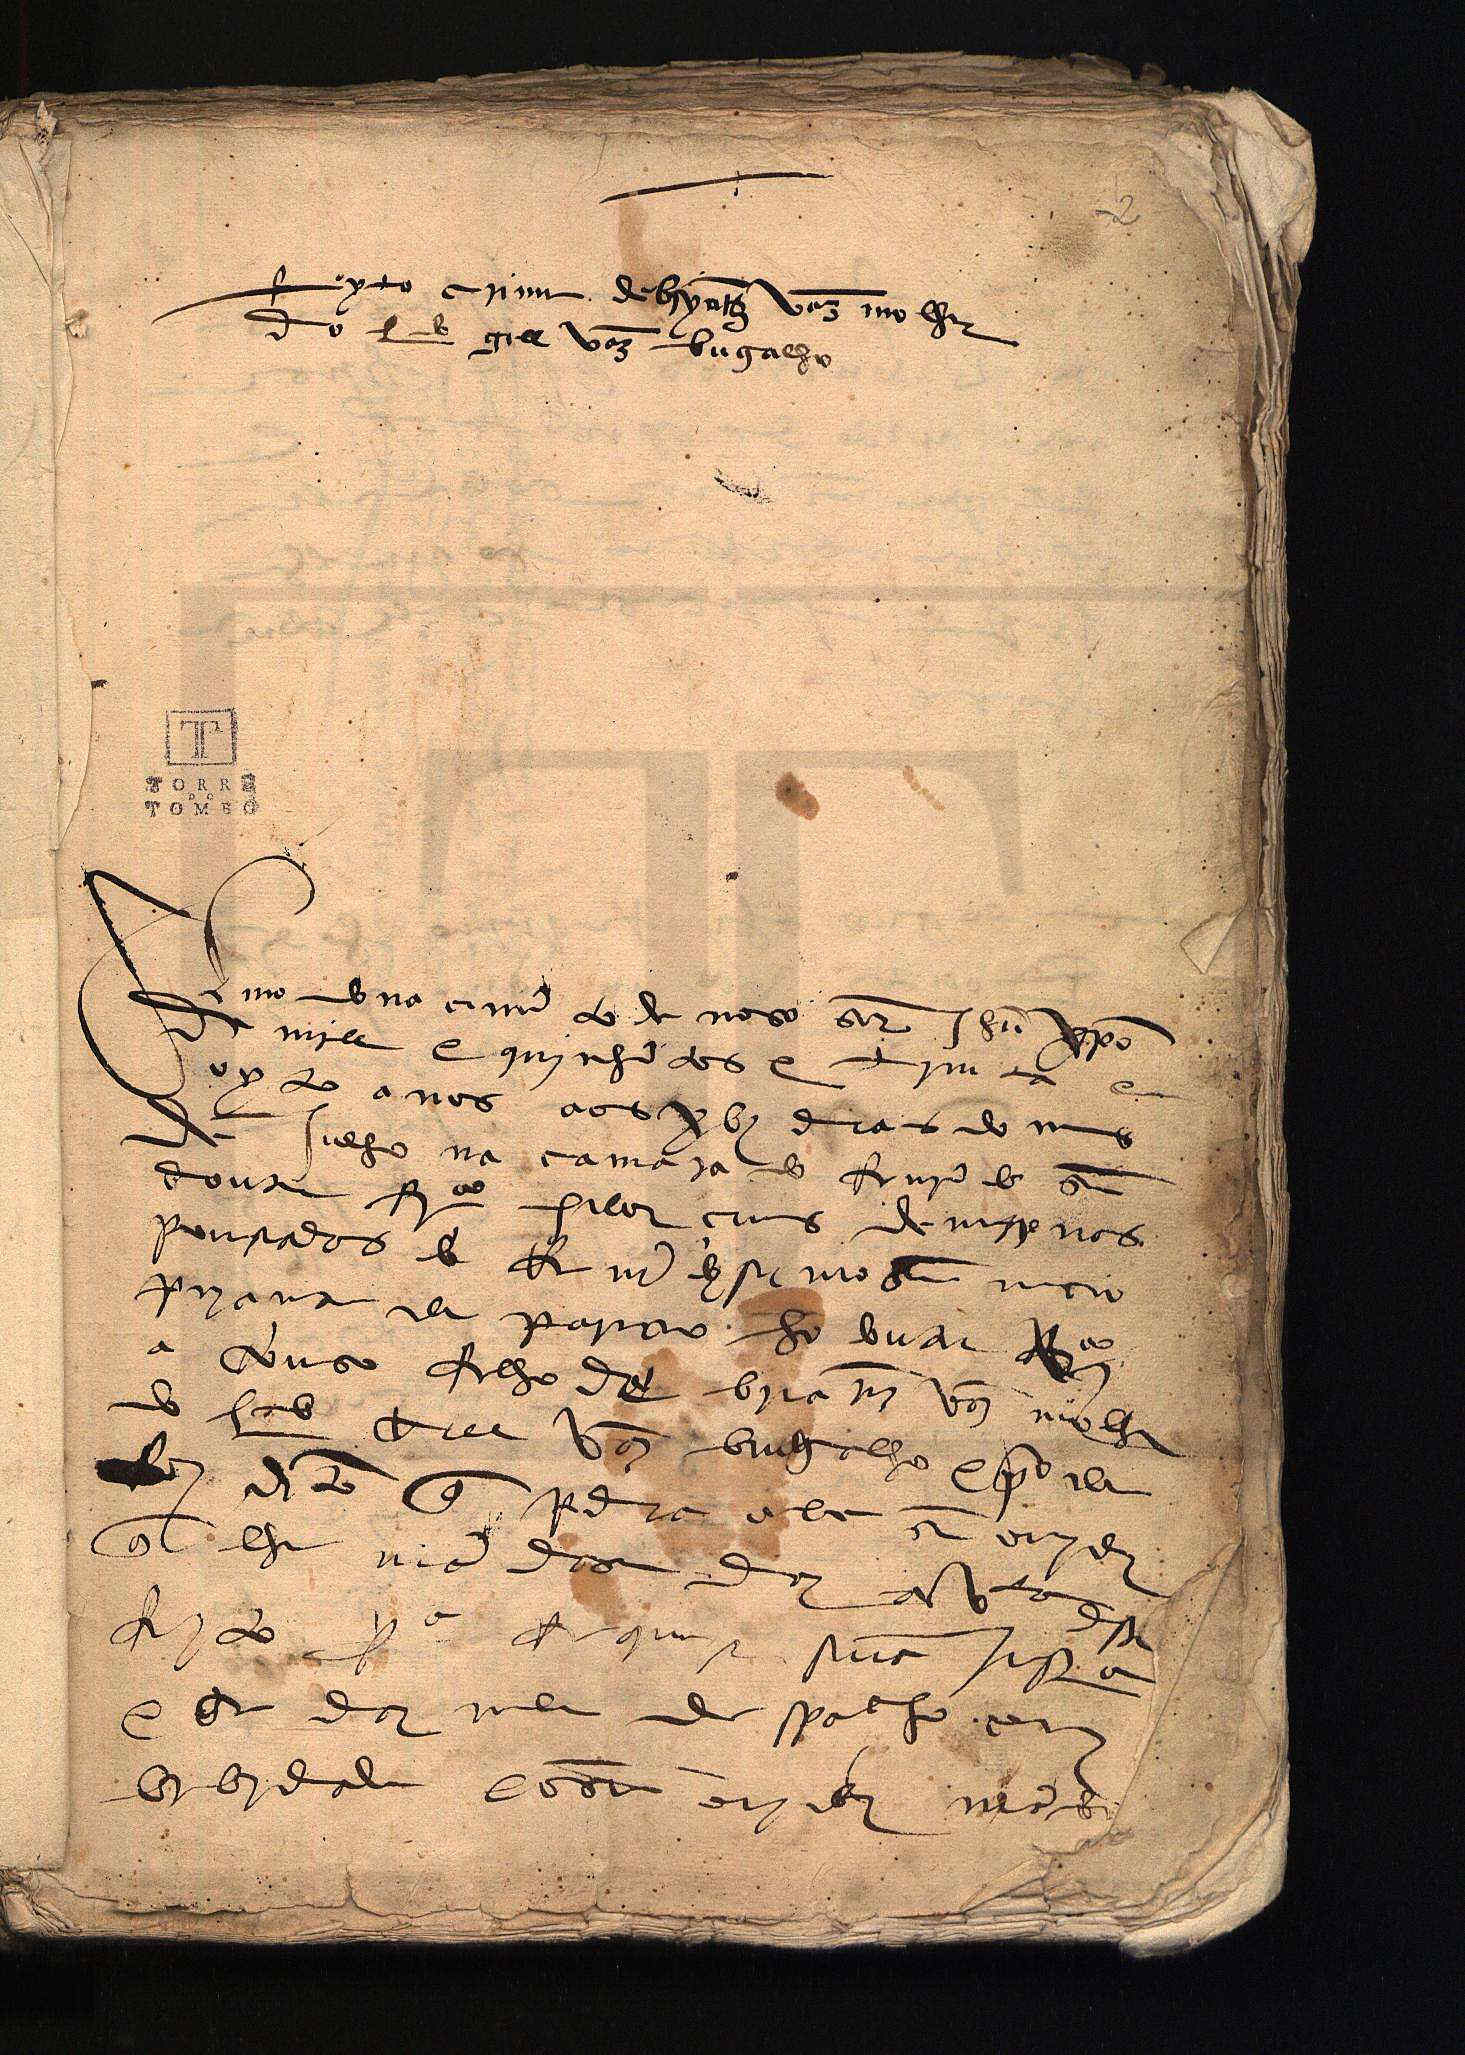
feyto crime de brȳatiz vāz molher
do Ldo gil vāz bugalho
Ano do nacimēto de noso s̄or Jhū xp̄o
de mjll e qujnhētos e trinta e
oyto anos aos xbj dias do mes
de Julho na camara do Reurēdo s̄or
doutor frco pilorcius demtro nas
pousadas do Reurēdysimo s̄or nucio
perante ele pareceo ho doutor vco
afonso filho de briatiz vāz molher
do Ldo gill vāz bugalho e p̄o ele
foj dito q̄ pedia a ele s̄or oujdor
q̄ lhe mādase dar a vta deste
fejto ꝑa Requerer sua Justa
e se dar nele despacho com
brebjdade e o s̄or oujdor mādou
